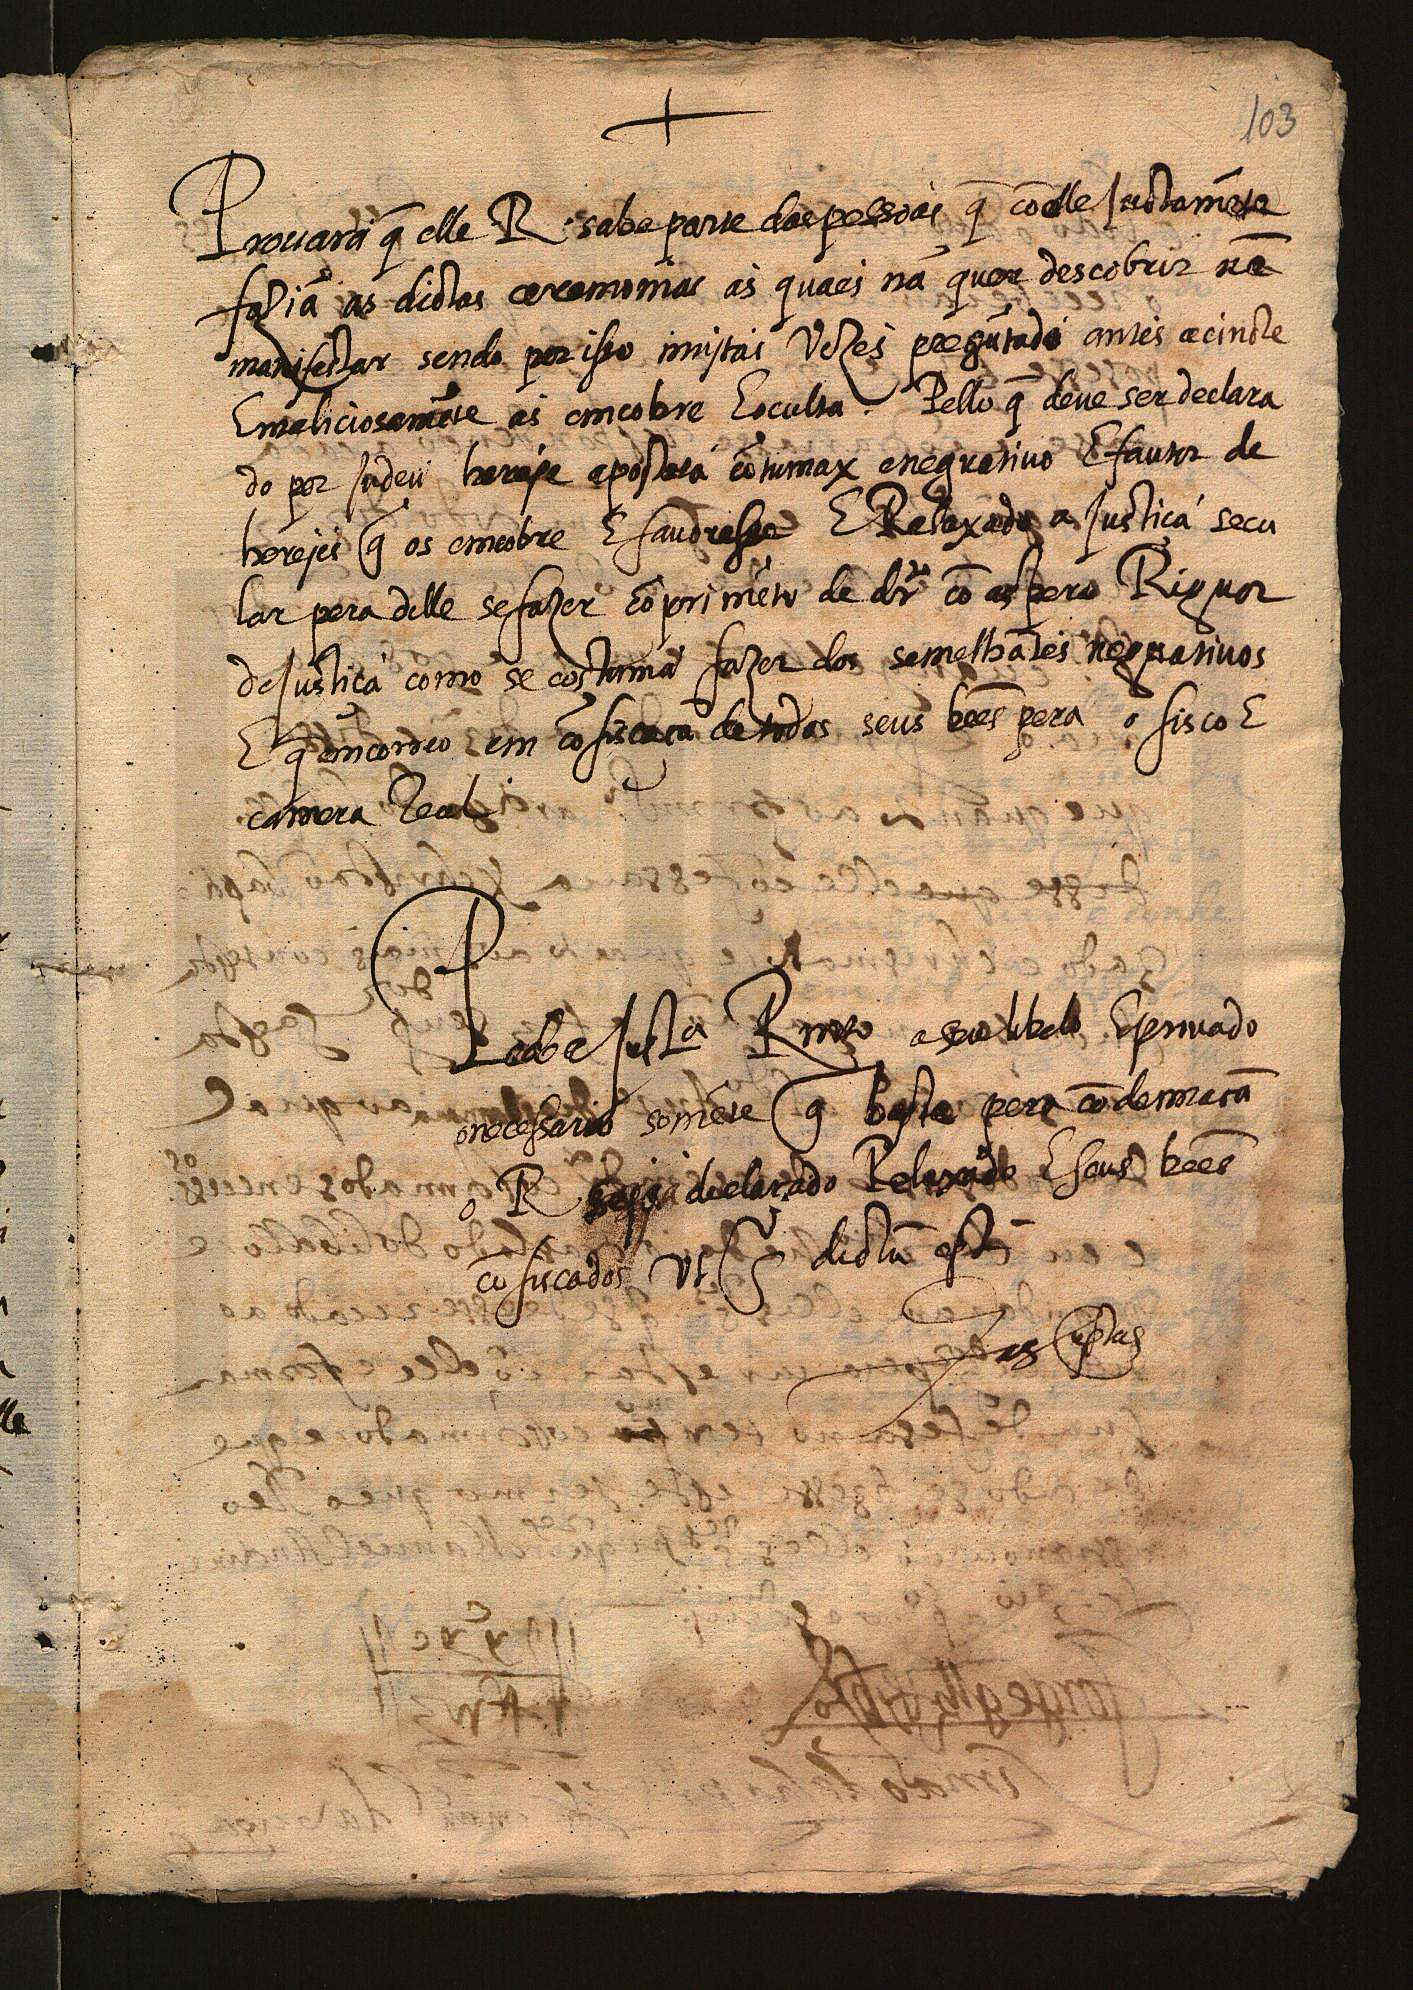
Prouara q̄ elle R. sabe parte das pessoas q̄ cō elle Juctamēte
faziā as dictas ceremonias as quaes nā quer descobrir nē
manifestar sendo por isso mujtas vezes pregūtado antes acincte
E maliciosamēte as emcobre E oculta. Pello q̄ deue ser declara
do por Judeu hereje apostata cōtumax e negratiuo E fautor de
herejes q̄ os emcobre E fauoresse E Relaxado a Justiça secu
lar pera delle se fazer cōprimēto de drto cō aspero Riguor
de Justiça como se costuma fazer dos semelhātes negratiuos
E q̄ encorreo em cōfiscaçā de todos seus beēs pera o fisco E
camera Real
Pede a Justa Rmto a seu libelo E prouado
o necessario somēte q̄ baste pera cōdemnaçā
o R seja declarado Relaxado E seus beēs
cōfiscados vt s̄ dictū est
E as Custas
